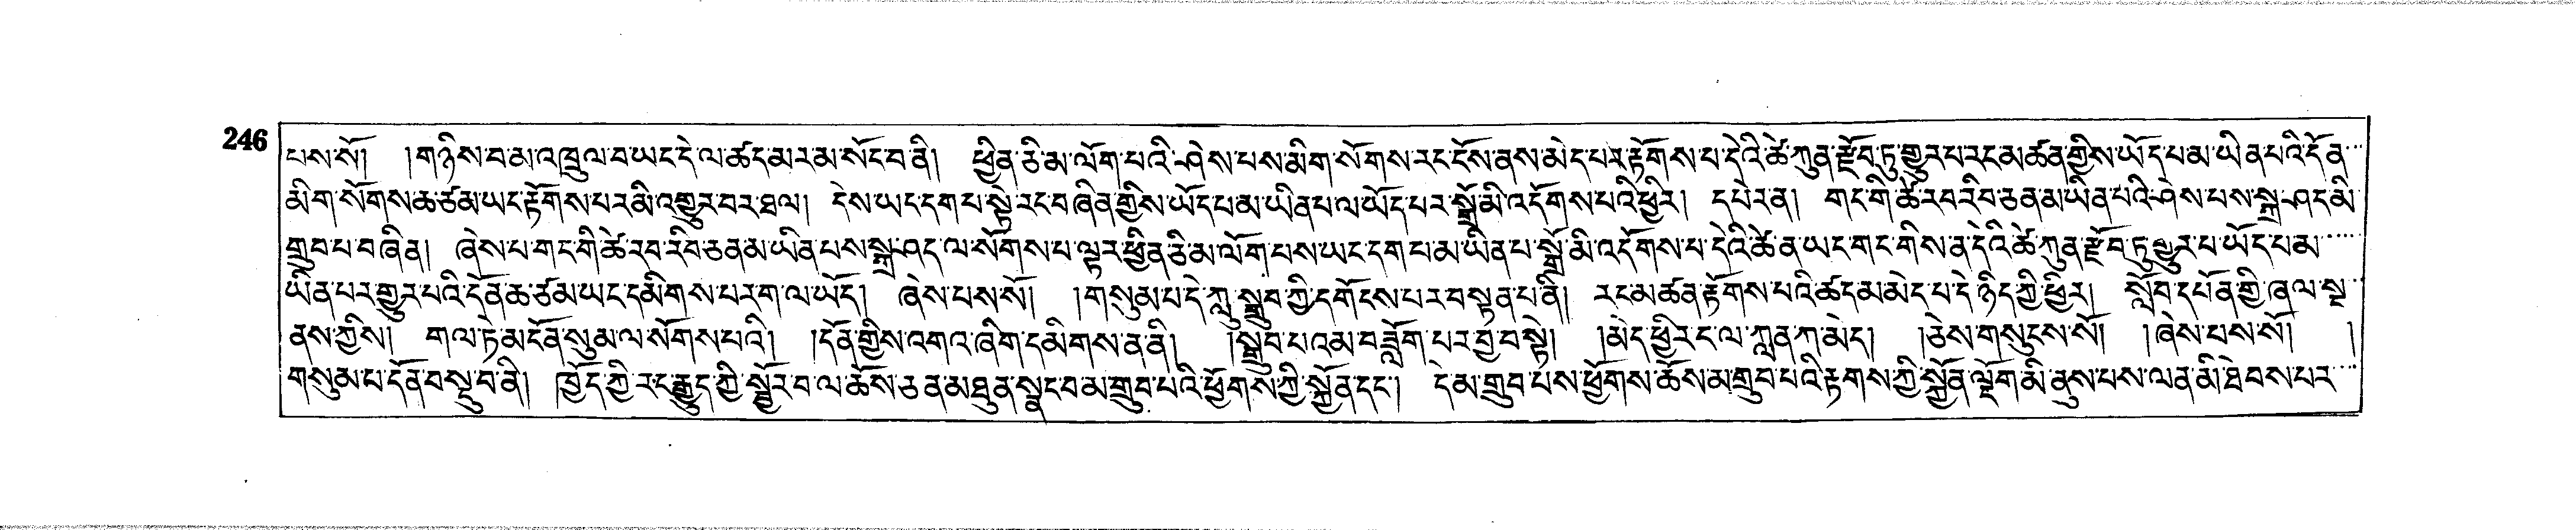པས་སོ། །གཉིས་བ་མ་འཁྲུལ་བ་ཡང་དེ་ལ་ཚད་མར་མ་སོང་བ་ནི། ཕྱིན་ཅི་མ་ལོག་པའི་ཤེས་པས་མིག་སོགས་རང་ངོས་ནས་མེད་པར་རྟོགས་པ་དེའི་ཚེ་ཀུན་རྫོབ་ཏུ་གྱུར་པ་རང་མཚན་གྱིས་ཡོད་པ་མ་ཡིན་པའི་དོན་
མིག་སོགས་ཆ་ཙམ་ཡང་རྟོགས་པར་མི་འགྱུར་བར་ཐལ། དེས་ཡང་ནས་མེད་པར་རྟོགས་པ་དེའི་ཚེ་ཀུན་རྫོབ་ཏུ་གྱུར་པ་རང་མཚན་འདོགས་པའི་ཕྱིར། དཔེར་ན། གང་གི་ཚེ་རབ་རིབ་ཅན་མ་ཡིན་པའི་ཤེས་པས་སྐྲ་ཤད་མི་
གྲུབ་པ་བཞིན། ཞེས་པ་གང་གི་ཚེ་རབ་རིབ་ཅན་མ་ཡིན་པས་སྐྲ་ཤད་ལ་སོགས་པ་ལྟར་ཕྱིན་ཅི་མ་ལོག་པས་ཡང་དག་པ་མ་ཡིན་པ་སྒྲོ་མི་འདོགས་པ་དེའི་ཚེ་ན་ཡང་གང་གིས་ན་དེའི་ཚེ་ཀུན་རྫོབ་ཏུ་གྱུར་པ་ཡོད་པ་མ་
ཡིན་པར་གྱུར་པའི་དོན་ཆ་ཙམ་ཡང་དམིགས་པར་ག་ལ་ཡོད། ཞེས་པས་སོ། །གསུམ་པ་དེ་ཀླུ་སྒྲུབ་ཀྱི་དགོངས་པར་བསྟན་པ་ནི། རང་མཚན་རྟོགས་པའི་ཚད་མ་མེད་པ་དེ་ཉིད་ཀྱི་ཕྱིར། སློབ་དཔོན་གྱི་ཞལ་སྔ་
ནས་ཀྱིས། གལ་ཏེ་མངོན་སུམ་ལ་སོགས་པའི། །དོན་གྱིས་འགའ་ཞིག་དམིགས་ན་ནི། །སྒྲུབ་པའམ་བཟློག་པར་བྱ་བ་སྟེ། །མེད་ཕྱིར་ང་ལ་ཀླན་ཀ་མེད། །ཅེས་གསུངས་སོ། །ཞེས་པས་སོ། །
གསུམ་པ་དོན་བསྡུ་བ་ནི། ཁྱོད་ཀྱི་རང་རྒྱུད་ཀྱི་སྦྱོར་བ་ལ་ཆོས་ཅན་མཐུན་སྣང་བ་མ་གྲུབ་པའི་ཕྱོགས་ཀྱི་སྐྱོན་དང་། དེ་མ་གྲུབ་པས་ཕྱོགས་ཆོས་མ་གྲུབ་པའི་རྟགས་ཀྱི་སྐྱོན་ལྡོག་མི་ནུས་པས་ལན་མི་ཐེབས་པར་